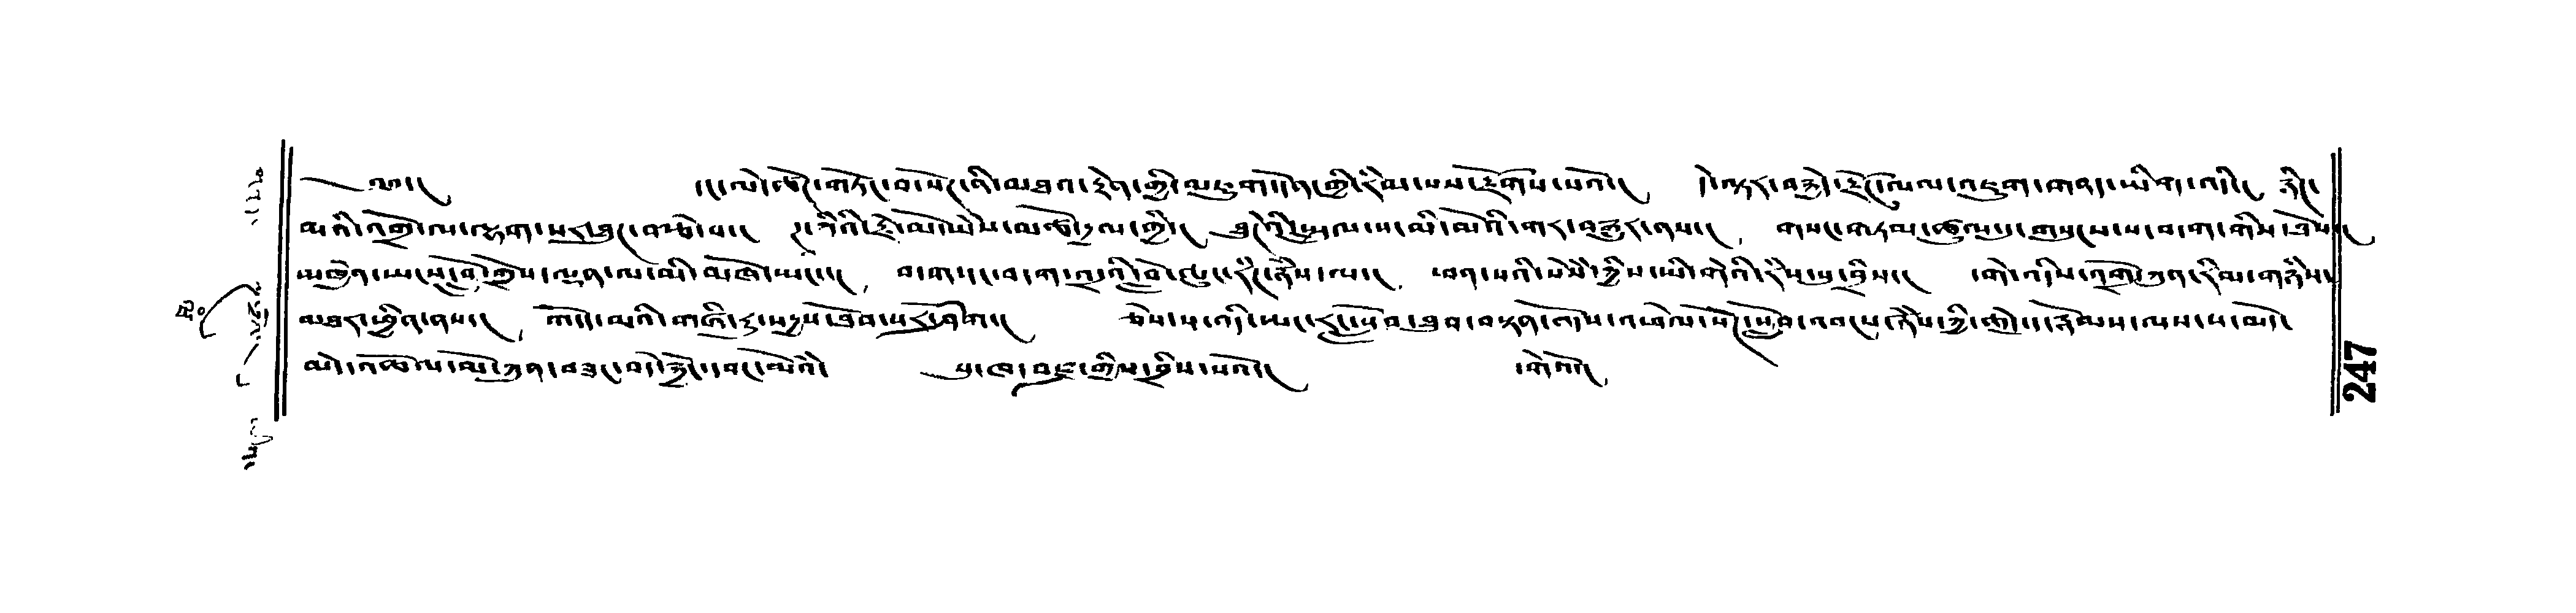གཏོང་བ་སོགས་ནི་མཐའ་རྟེན་གྱི་མཇུག་དོན་རིམ་པས་རྫོགས་པའོ། དེ་ལྟར་བསྐྱེད་རྫོགས་ལམ་འཇུག་གནད་ཡིག་འདི། །སྙིགས་
མའི་འགྲོ་ལ་ལྷག་པར་ཐུགས་བརྩེ་བ། །ཌཱ་ཀིའི་རྗེ་མོ་ཡེ་ཤེས་མཚོ་རྒྱལ་གྱི། །ཐུགས་རྗེའི་སྤྲུལ་པ་མི་མོའི་གར་བསྒྱུར་ནས། །གསང་གཏམ་ཚུལ་དུ་གསུངས་པ་བདག་གིས་ཐོས། །
མཁྱེན་ཡངས་བློ་གྲོས་ལྡན་ལ་མི་མཁོ་ཡང་། །བདག་དང་བདག་འདྲའི་བློ་ཆུང་རིགས་རྣམས་ལ། །ཕན་པའི་སེམས་ཀྱིས་ཡི་གེའི་རིས་སུ་བྲིས། །དགེ་འདིས་འགྲོ་ཀུན་རིམ་གཉིས་
མཐར་ཕྱིན་ནས། །གདོད་མའི་གཞི་རུ་སངས་རྒྱས་ཐོབ་པར་ཤོགཅེས་པ་འདི་ཡང་རང་སློབ་ཐུབ་བསྟན་ཆོས་འཕེལ་སོགས་སློབ་འབངས་རྣམས་ཀྱི་ཆེད་དུ་སྙོམས་ལས་པ་མདོ་
མེད་འཆོལ་མོ་ཀུན་བཟང་བདེ་སྐྱོང་དབང་མོའམ་སུ་ཁ་བཛྲ་གྱིས་བྲིས་པའོ།། དགེའོ།།